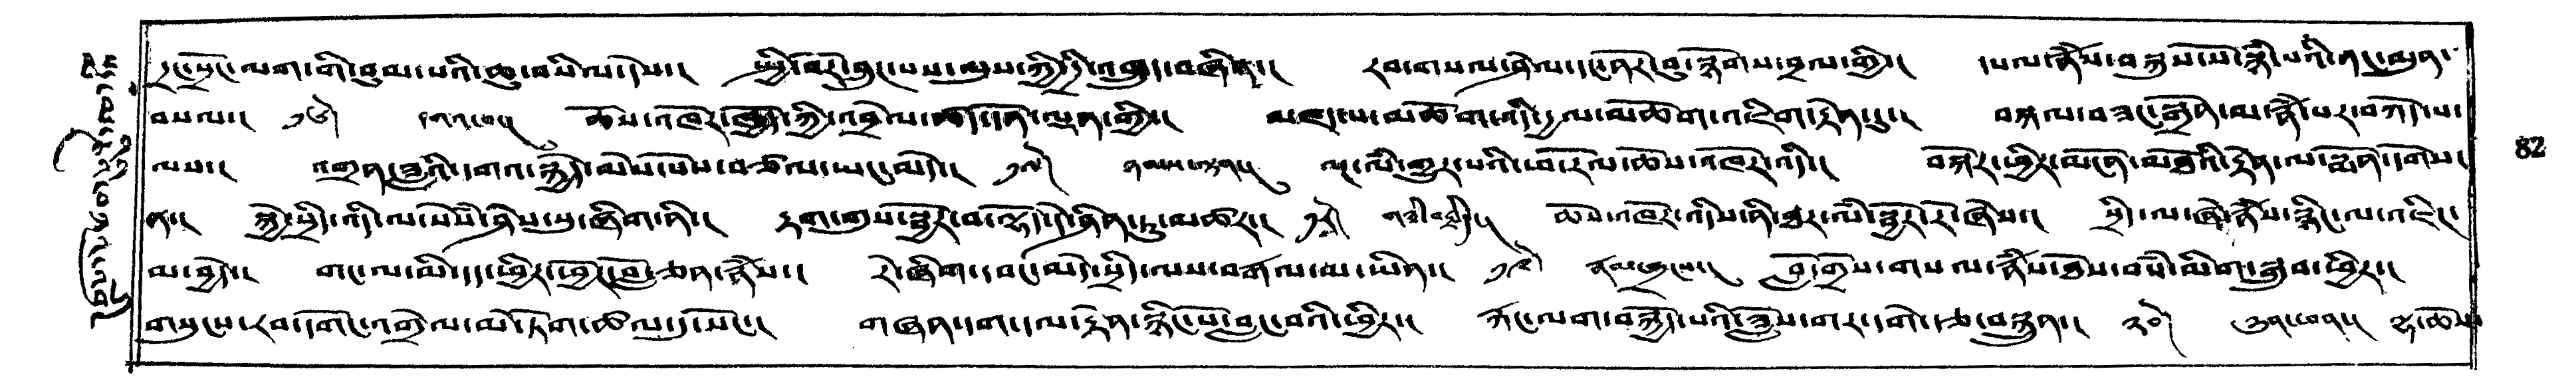དྲང་སྲོང་ལག་གིས་བུམ་པའི་ཆུ་བསིལ་དེ། །སྤྱི་བོར་བླུགས་པས་ལུས་ཀྱི་དྲི་འཁྲུད་བཞིན། །རབ་གསལ་ཤེལ་དང་ནོར་བུ་སྙོག་བྲལ་གྱི། །དཔལ་རྣམས་བསྐུས་སོ་སྙམ་པའི་ནང་མུན་
བསལ། ། ༡༦༽ དགའ་བ། ཆོས་འཁོར་ཁྱོད་ཀྱི་འབྲེལ་ཚད་དོན་ལྡན་གྱི། །མཛད་པ་མཆོག་འདི་རྒྱལ་མཆོག་འཇིག་རྟེན་དུ། །བསྐལ་བཟང་སྒྲོན་མ་རྣམ་པར་བཀོད་པ་
ལས། །འགྲན་ཟླའི་དགའ་སྐྱེད་མེས་པོས་བཙལ་ཡང་མེད། །༡༧༽ ཉམས་ལྡན། ལྔ་ལམ་གྱུར་པའི་ཕ་རོལ་ཆོས་འཁོར་འདི། །བསྐོར་ཕྱིར་མངོན་མཐོའི་རྟེན་ལ་སྨོན་དགོས་
ན། །སྐྱེ་སྲིད་འདི་ལ་སེམས་ཤེས་སུ་ཞིག་ནི། །རྟག་གུས་སྦྱོར་བ་ལྷོད་དེ་ཤིན་ཏུ་མཚར། ། ༡༨༽ གཟི་བརྗིད། ཆོས་འཁོར་འདིས་ནི་ཐར་ལམ་སྦྱོར་རོ་ཞེས། །སྲིད་ལ་ཞེན་རྣམས་སྙིང་ལ་འཇིགས་
མ་བྱེད། །གང་ལ་མི་དད་ཕྱིར་ཕྱོགས་བློ་ཅན་རྣམས། །རེ་ཞིག་དབང་མེད་སྲིད་ལས་བརྒལ་མ་ཡིན། ། ༡༩༽ རྣམ་གྲངས། བློ་གྲོས་གསལ་རྣམས་ཐོས་བསམ་མིག་སྒྲུབ་ཕྱིར། །
གསུང་རབ་དགོངས་འགྲེལ་མེ་ཏོག་ཚལ་དུ་སོང་། །གཞན་དག་དལ་རྟེན་སྙིང་པོ་བླང་བའི་ཕྱིར། །རྐང་ལག་བསྐྱོད་པའི་ཟློས་གར་དགེ་རྩ་བསྐྲུན། ། ༢༠༽ ཀུན་ཕན། ལྷ་ཆོས་